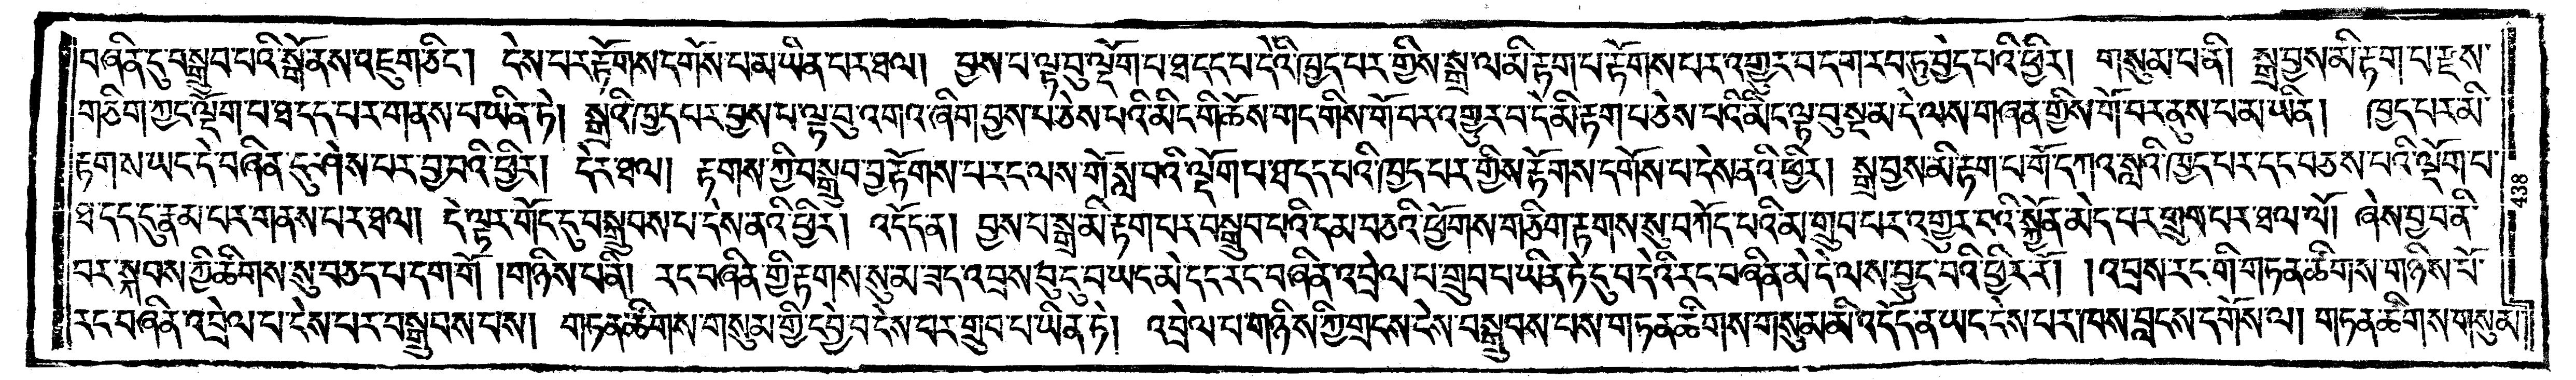བཞིན་དུ་བསྒྲུབ་པའི་སྒོ་ནས་འཇུག་ཅིང་། ངེས་པར་རྟོགས་དགོས་པ་མ་ཡིན་པར་ཐལ། བྱས་པ་ལྟ་བུ་ལྡོག་པ་ཐ་དད་པ་དེའི་ཁྱད་པར་གྱིས་སྒྲ་ལ་མི་རྟག་པ་རྟོགས་པར་འགྱུར་པ་དག་རབ་ཏུ་བྱེད་པའི་ཕྱིར། གསུམ་པ་ནི། སྒྲ་བྱས་མི་རྟག་པ་རྫས་
གཅིག་ཀྱང་ལྡོག་པ་ཐ་དད་པར་གནས་པ་ཡིན་ཏེ། སྒྲའི་ཁྱད་པར་བྱས་པ་ལྟ་བུ་འགའ་ཞིག་བྱས་པ་ཅེས་པའི་མིང་གི་ཆོས་གང་གིས་གོ་བར་འགྱུར་བ་དེ་མི་རྟག་པ་ཅེས་པའི་མིང་ལྟ་བུ་སྔ་མ་དེ་ལས་གཞན་གྱིས་གོ་བར་ནུས་པ་མ་ཡིན། ཁྱད་པར་མི་
རྟགས་ཡང་དེ་བཞིན་དུ་ཤེས་པར་བྱ་བའི་ཕྱིར། དེར་ཐལ། རྟགས་ཀྱི་བསྒྲུབ་བྱ་རྟོགས་པ་རང་ལས་གོ་སླ་བའི་ལྡོག་པ་ཐ་དད་པའི་ཁྱད་པར་གྱིས་རྟོགས་དགོས་པ་དེས་ནའི་ཕྱིར། སྒྲ་བྱས་མི་རྟག་པ་གོ་དཀའ་སླའི་ཁྱད་པར་དང་བཅས་པའི་ལྡོག་པ་
ཐ་དད་དུ་རྣམ་པར་གནས་པར་ཐལ། དེ་ལྟར་གོང་དུ་བསྒྲུབས་པ་དེས་ནའི་ཕྱིར། འདོད་ན། བྱས་པ་སྒྲ་མི་རྟག་པར་བསྒྲུབ་པའི་དམ་བཅའི་ཕྱོགས་གཅིག་རྟགས་སུ་བཀོད་པའི་མ་གྲུབ་པར་འགྱུར་བའི་སྐྱོན་མེད་པར་གྲུབ་པར་ཐལ་ལོ། ཞེས་བྱ་བ་ནི་
བར་སྐབས་ཀྱི་ཚིགས་སུ་བཅད་པ་དག་གོ །གཉིས་པ་ནི། རང་བཞིན་གྱི་རྟགས་སུ་མ་ཟད་འབྲས་བུ་དུ་བ་ཡང་མེ་དང་རང་བཞིན་འབྲེལ་པ་གྲུབ་པ་ཡིན་ཏེ་དུ་བ་དེའི་རང་བཞིན་མེ་དེ་ལས་བྱུང་བའི་ཕྱིར་རོ། །འབྲས་རང་གི་གཏན་ཚིགས་གཉིས་པོ་
རང་བཞིན་འབྲེལ་པ་ངེས་པར་བསྒྲུབས་པས། གཏན་ཚིགས་གསུམ་གྱི་དབྱེ་བ་ངེས་པར་གྲུབ་པ་ཡིན་ཏེ། འབྲེལ་པ་གཉིས་ཀྱི་གྲངས་ངེས་བསྒྲུབས་པས་གཏན་ཚིགས་གསུམ་མི་འདོད་ན་ཡང་ངེས་པར་ཁས་བླངས་དགོས་ལ། གཏན་ཚིགས་གསུམ་